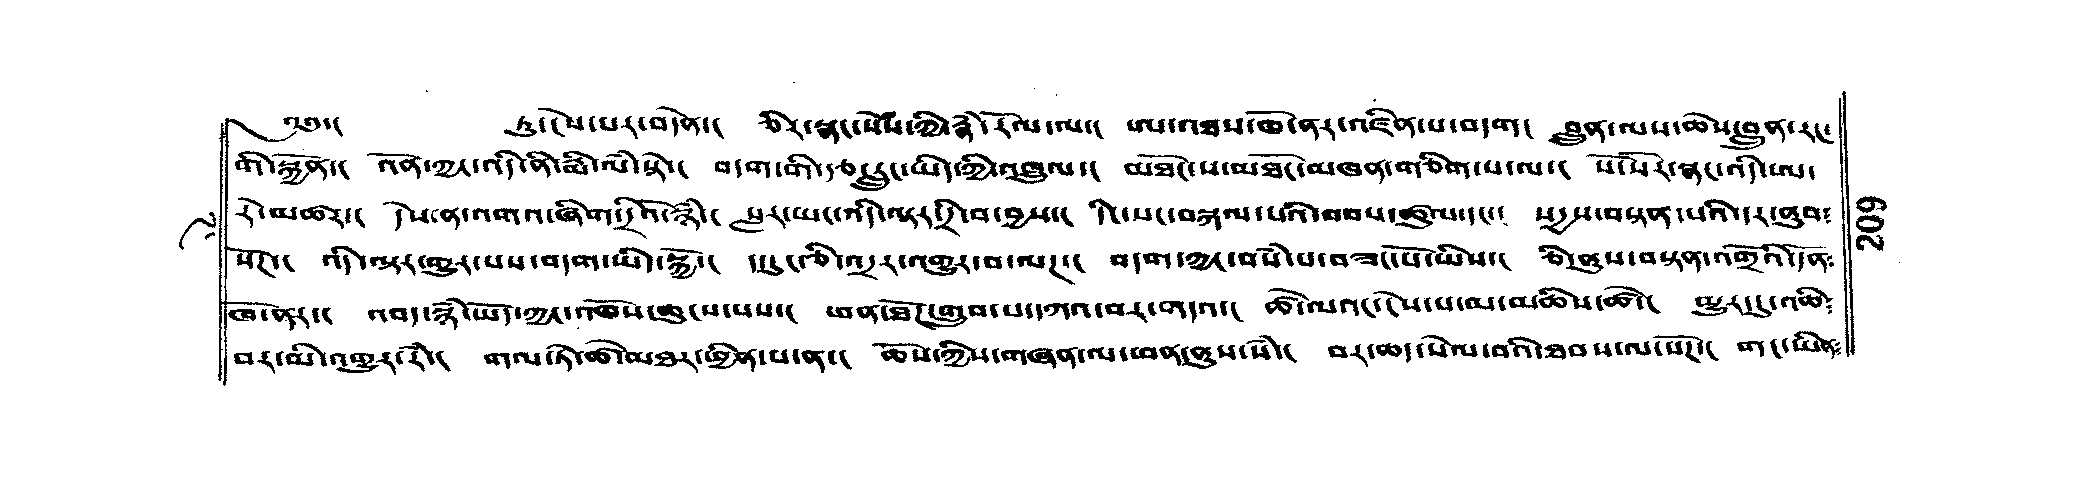ཏུ་ངེས་པར་བདེན། །ཅིར་སྣང་སེམས་ཀྱི་རྣམ་རོལ་ལ། །ཨ་འཐས་ཁོ་ནར་འཛིན་པ་བདག །བླུན་ལས་ཆེས་བླུན་རང་
གི་སྐྱོན། །འོན་ཀྱང་འདི་ནི་རྨི་ལམ་སྟེ། །བདག་གི་རྩ་རླུང་ཡིད་ཀྱིས་འཁྲུལ། །མཐོང་ས་མཐོང་མཁན་གཅིག་པ་ལ། །སོ་སོར་སྣང་འདི་ཨ་
རེ་མཚར། །དེས་ན་འགའ་ཞིག་དྲིའོ་སྙམ། །སླར་ཡང་འདི་ལྟར་དྲི་བ་བྱས། །དིང་སང་བསྐལ་པའི་བབས་ཚུལ་དང་། །སངས་རྒྱས་བསྟན་པའི་དར་ནུབ་
སོགས། །འདི་ལྟར་གྱུར་པས་བདག་ཡིད་སྐྱོ། །ད་དུང་ཅི་འདྲར་འགྱུར་བ་ལགས། །བདག་ཀྱང་བསམ་པ་བཟང་པོ་ཡིས། །ཅི་ནུས་བསྟན་འགྲོའི་དོན་
ཁོ་ནར། །འབད་སྙམ་ཡོད་ཀྱང་འཁོས་ཆུངས་པས། །ཕན་ཐོགས་གྲུབ་པ་དཀའ་བར་གདའ། །ཚེ་ལའང་ངེས་པ་མ་མཆིས་ཚེ། །མྱུར་དུ་འཆི་
བར་མི་འགྱུར་རམ། །གལ་ཏེ་ཚེ་མཐར་ཕྱིན་པ་ན། །ཆོས་ཀྱིས་གཞན་ལ་ཕན་ནུས་སམ། །བར་ཆད་སེལ་བའི་ཐབས་ལ་སོགས། །གང་ཡིན་